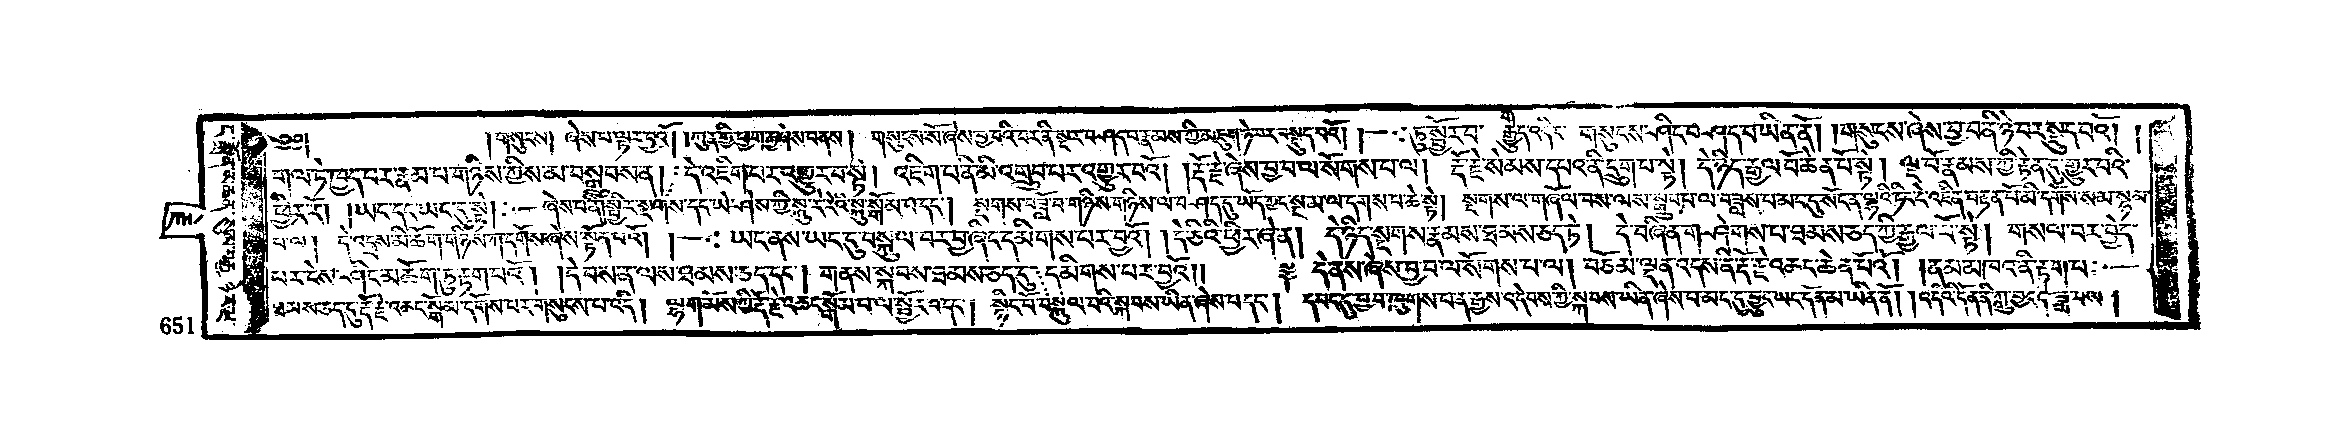༄༅། །གསུངས། ཞེས་པ་ལྟར་བྱའོ། །ཀུན་གྱི་ཕྱག་རྒྱ་ཞེས་པ་ནས། གསུངས་སོ་ཞེས་བྱ་བའི་བར་ནི་སྔར་བཤད་པ་རྣམས་ཀྱི་མཇུག་ཉེ་བར་བསྡུད་པའོ།། .H ཏུ་སྦྱོར་བ་ག་རྒྱུད་འདིར་གསུངས་ཤིང་བཤད་པ་ཡིན་ནོ། །གསུངས་ཞེས་བྱ་བ་ནི་ཉེ་བར་སྡུད་པའོ། །
གལ་ཏེ་ཁྱད་པར་རྣམ་པ་གཉིས་ཀྱིས་མ་བསྒྲུབས་ན། དེ་འཇིག་པར་འགྱུར་བ་སྟེ། འཇིག་པ་ནི་མི་འགྲུབ་པར་འགྱུར་བའོ། །རྡོ་རྗེ་ཞེས་བྱ་བ་ལ་སོགས་པ་ལ། རྡོ་རྗེ་སེམས་དཔའ་ནི་དྲུག་པ་སྟེ། དེ་ཉིད་རྒྱལ་པོ་ཆེན་པོ་སྟེ། ལྔ་པོ་རྣམས་ཀྱི་རྟེན་དུ་གྱུར་པའི་
ཕྱིར་རོ། །ཡང་དང་ཡང་དུ་སྟེ། H.་ཞེས་པ་ནི། སྤྱིར་སྔགས་དང་ཡེ་ཤེས་ཀྱི་སྐུ་རེ་རེའི་སྐུ་སྒོམ་པ་དང་། སྔགས་བཟློ་བ་གཉིས་གཉིས་ལ་བཤད་དུ་ཡོད་ཀྱང་སྔ་མ་ལ་དགོས་པ་ཆེ་སྟེ། སྔགས་ལ་གཞོལ་བས་ལས་སྒྲུབ་པ་ལ་བཟླས་པ་མང་དུ་སོང་ན་ལྷའི་ཏིང་ངེ་འཛིན་བརྟན་པོ་མི་དགོས་སམ་སྙམ་
པ་ལ། དེ་འདྲས་མི་ཆོག་གཉིས་ཀ་དགོས་ཞེས་སྟོན་པའོ། ། .H ཡང་ནས་ཡང་དུ་བསྐུལ་བར་བྱ་ཞིང་དམིགས་པར་བྱའོ། །དེ་ཅིའི་ཕྱིར་ཞེ་ན། དེ་ཉིད་སྔགས་རྣམས་ཐམས་ཅད་ཏེ། དེ་བཞིན་གཤེགས་པ་ཐམས་ཅད་ཀྱི་རྒྱལ་པོ་སྟེ། གསལ་བར་བྱེད་
པར་ངེས་ཤིང་མཆོག་ཏུ་རྟག་པའོ། །དེ་བས་ན་ལས་ཐམས་ཅད་དང་། གནས་སྐབས་ཐམས་ཅད་དུ་དམིགས་པར་བྱའོ།། ༈ དེ་ནས་ཞེས་བྱ་བ་ལ་སོགས་པ་ལ། བཅོམ་ལྡན་འདས་ནི་རྡོ་རྗེ་འཆང་ཆེན་པོའོ། །ནམ་མཁའ་ནི་རྟག་པཿ
ཐམས་ཅད་དུ་རྡོ་རྗེ་འཆང་སྒོམ་དགོས་པར་གསུངས་པ་འདི། ལྷག་མོས་ཀྱི་རྡོ་རྗེ་འཆང་སྒོམ་པ་ལ་སྦྱོར་བ་དང་། སྙིང་པོ་བསྐུལ་བའི་སྐབས་ཡིན་ཞེས་པ་དང་། དབང་དུ་བྱ་བ་ཁུགས་པ་ན་རྒྱས་འདེབས་ཀྱི་སྐབས་ཡིན་ཞེས་པ་མང་དུ་བྱུང་ཡང་དོན་མ་ཡིན་ནོ། །འདིའི་དོན་ནི་ཀླུ་བྱང་དེ་ཟླ་བས།